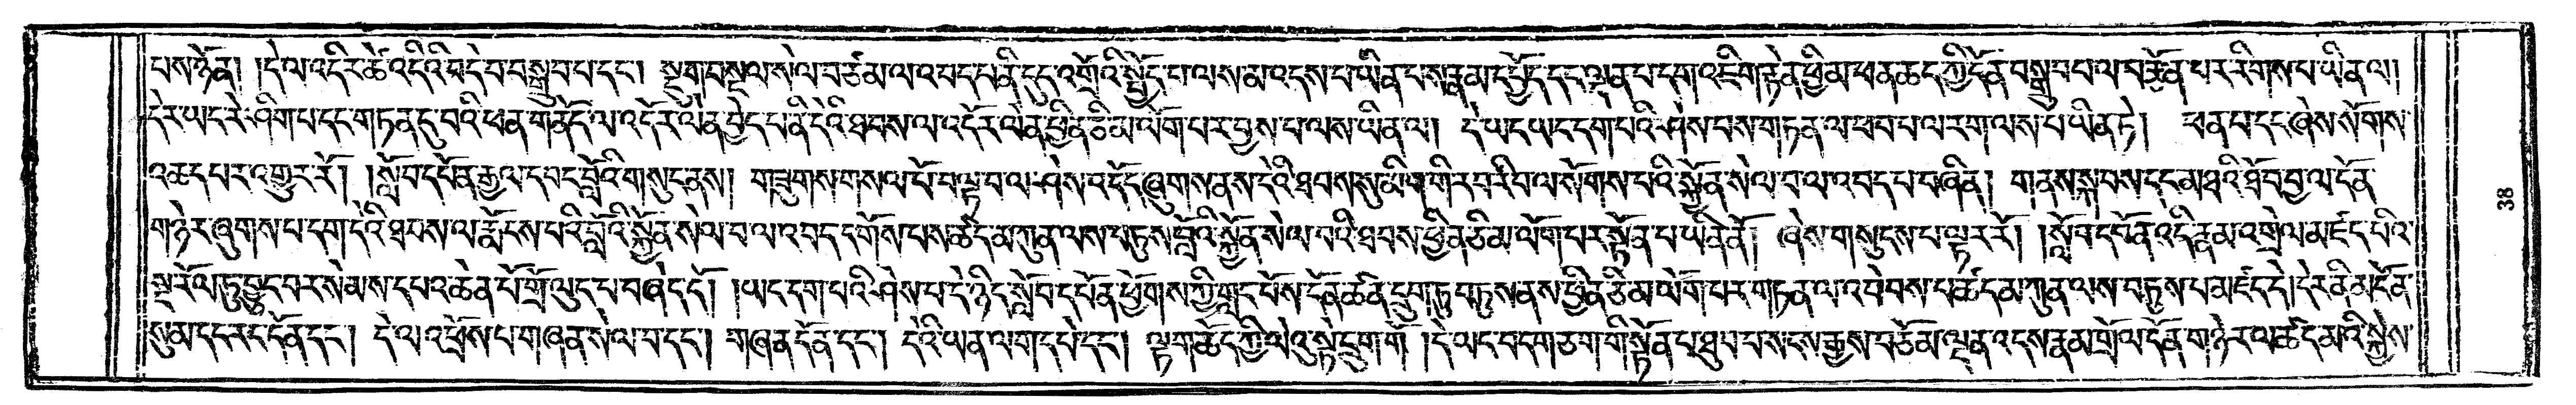པས་ཉོན། །དེ་ལ་འདིར་ཚེ་འདིའི་བདེ་བ་བསྒྲུབ་པ་དང་། སྡུག་བསྔལ་སེལ་བ་ཙམ་ལ་འབད་པ་ནི་དུད་འགྲོའི་སྤྱོད་པ་ལས་མ་འདས་པ་ཡིན་པས་རྣམ་དཔྱོད་དང་ལྡན་པ་དག་འཇིག་རྟེན་ཕྱི་མ་ཕན་ཆད་ཀྱི་དོན་བསྒྲུབ་པ་ལ་བརྩོན་པར་རིགས་པ་ཡིན་ལ།
དེར་ཡང་རེ་ཤིག་པ་དང་གཏན་དུ་བའི་ཕན་གནོད་ལ་འདོར་ལེན་བྱེད་པ་ནི་དེའི་ཐབས་ལ་འདོར་ལེན་ཕྱིན་ཅི་མ་ལོག་པར་བྱས་པ་ལས་ཡིན་ལ། དེ་ཡང་ཡང་དག་པའི་ཤེས་པས་གཏན་ལ་ཕབ་པ་ལ་རགས་ལས་པ་ཡིན་ཏེ། ཕན་པ་དང་ཞེས་སོགས་
འཆད་པར་འགྱུར་རོ། །སློབ་དཔོན་རྒྱལ་དབང་བློའི་གསུང་ནས། གཟུགས་གསལ་པོ་བལྟ་བ་ལ་ཤེས་འདོད་ཞུགས་ནས་དེའི་ཐབས་སུ་མིག་གི་རབ་རིབ་ལ་སོགས་པའི་སྐྱོན་སེལ་བ་ལ་འབད་པ་བཞིན། གནས་སྐབས་དང་མཐའི་ཐོབ་བྱ་ལ་དོན་
གཉེར་ཞུགས་པ་དག་དེའི་ཐབས་ལ་རྨོངས་པའི་བློའི་སྐྱོན་སེལ་བ་ལ་འབད་དགོས་པས་ཚད་མ་ཀུན་ལས་བཏུས་བློའི་སྐྱོན་སེལ་བའི་ཐབས་ཕྱིན་ཅི་མ་ལོག་པར་སྟོན་པ་ཡིན་ནོ། ཞེས་གསུངས་པ་ལྟར་རོ། །སློབ་དཔོན་འདི་རྣམ་འགྲེལ་མཛད་པའི་
སྔ་རོལ་ཏུ་བྱུང་བར་སེམས་དཔའ་ཆེན་པོ་གྲོ་ལུང་བཞེད་དོ། །ཡང་དག་པའི་ཤེས་པ་དེ་ཉིད་སློབ་དཔོན་ཕྱོགས་ཀྱི་གླང་པོས་དོན་ཚན་དྲུག་ཏུ་བཏུས་ནས་ཕྱིན་ཅི་མ་ལོག་པར་གཏན་ལ་འབེབས་པ་ཚད་མ་ཀུན་ལས་བཏུས་པ་མཛད་དེ། དེར་ནི་མངོན་
སུམ་དང་རང་དོན་དང་། དེ་ལ་འཕྲོས་པ་གཞན་སེལ་བ་དང་། གཞན་དོན་དང་། དེའི་ཡན་ལག་དཔེ་དང་། ལྟག་ཆོས་ཀྱི་ལེའུ་སྟེ་དྲུག་གོ །དེ་ཡང་བདག་ཅག་གི་སྟོན་པ་ཐུབ་པ་སངས་རྒྱས་བཅོམ་ལྡན་འདས་རྣམ་གྲོལ་དོན་གཉེར་ལ་ཚད་མའི་སྐྱེས་